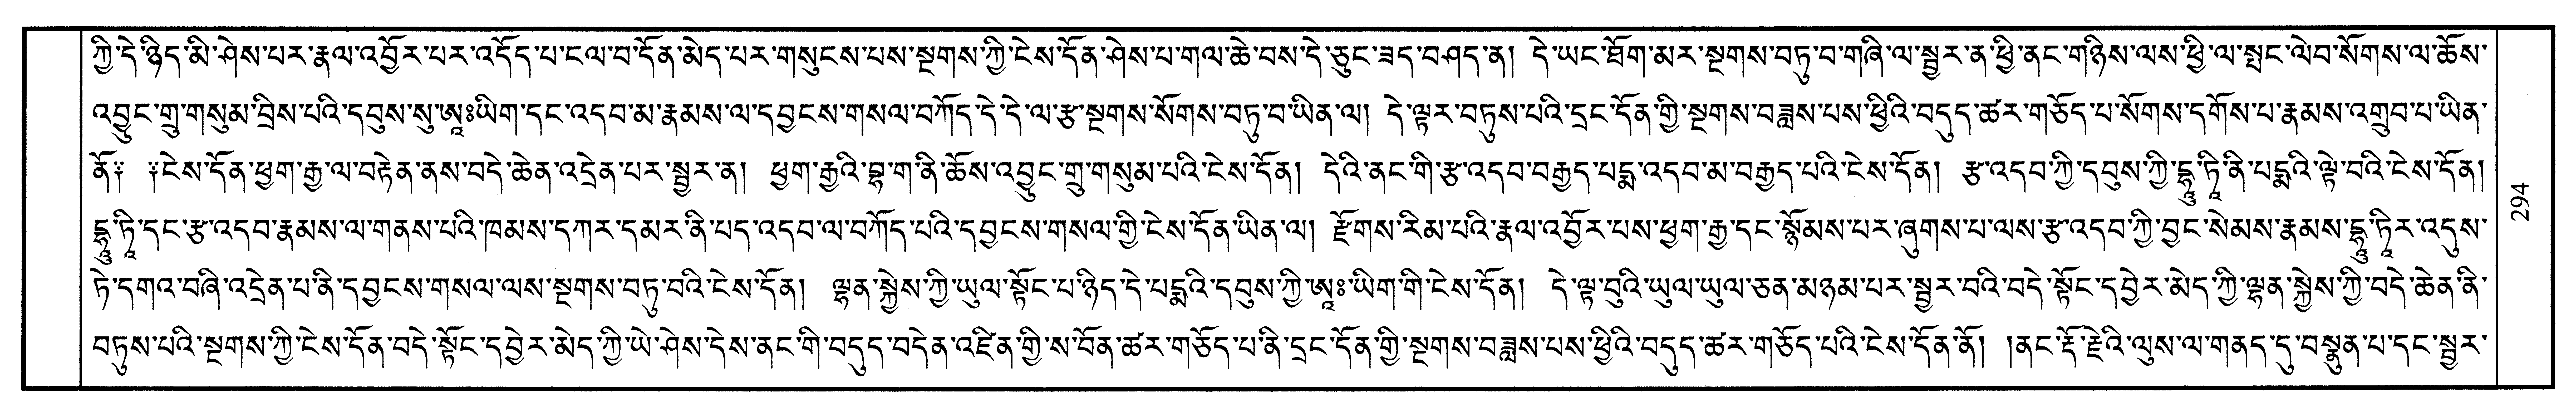ཀྱི་དེ་ཉིད་མི་ཤེས་པར་རྣལ་འབྱོར་པར་འདོད་པ་ངལ་བ་དོན་མེད་པར་གསུངས་པས་སྔགས་ཀྱི་ངེས་དོན་ཤེས་པ་གལ་ཆེ་བས་དེ་ཅུང་ཟད་བཤད་ན། དེ་ཡང་ཐོག་མར་སྔགས་བཏུ་བ་གཞི་ལ་སྦྱར་ན་ཕྱི་ནང་གཉིས་ལས་ཕྱི་ལ་སྤང་ལེབ་སོགས་ལ་ཆོས་
འབྱུང་གྲུ་གསུམ་བྲིས་པའི་དབུས་སུ་ཨཱཿ ཡིག་དང་འདབ་མ་རྣམས་ལ་དབྱངས་གསལ་བཀོད་དེ་དེ་ལ་རྩ་སྔགས་སོགས་བཏུ་བ་ཡིན་ལ། དེ་ལྟར་བཏུས་པའི་དྲང་དོན་གྱི་སྔགས་བཟླས་པས་ཕྱིའི་བདུད་ཚར་གཅོད་པ་སོགས་དགོས་པ་རྣམས་འགྲུབ་པ་ཡིན་
ནོ། །ངེས་དོན་ཕྱག་རྒྱ་ལ་བརྟེན་ནས་བདེ་ཆེན་འདྲེན་པར་སྦྱར་ན། ཕྱག་རྒྱའི་བྷ་ག་ནི་ཆོས་འབྱུང་གྲུ་གསུམ་པའི་ངེས་དོན། དེའི་ནང་གི་རྩ་འདབ་བརྒྱད་པདམ་འདབ་མ་བརྒྱད་པའི་ངེས་དོན། རྩ་འདབ་ཀྱི་དབུས་ཀྱི་དྷཱུ་ཏཱི་ནི་པདམའི་ལྟེ་བའི་ངེས་དོན།
དྷཱུ་ཏཱི་དང་རྩ་འདབ་རྣམས་ལ་གནས་པའི་ཁམས་དཀར་དམར་ནི་པད་འདབ་ལ་བཀོད་པའི་དབྱངས་གསལ་གྱི་ངེས་དོན་ཡིན་ལ། རྫོགས་རིམ་པའི་རྣལ་འབྱོར་པས་ཕྱག་རྒྱ་དང་སྙོམས་པར་ཞུགས་པ་ལས་རྩ་འདབ་ཀྱི་བྱང་སེམས་རྣམས་དྷཱུ་ཏཱིར་འདུས་
ཏེ་དགའ་བཞི་འདྲེན་པ་ནི་དབྱངས་གསལ་ལས་སྔགས་བཏུ་བའི་ངེས་དོན། ལྷན་སྐྱེས་ཀྱི་ཡུལ་སྟོང་པ་ཉིད་དེ་པདམའི་དབུས་ཀྱི་ཨཱཿ ཡིག་གི་ངེས་དོན། དེ་ལྟ་བུའི་ཡུལ་ཡུལ་ཅན་མཉམ་པར་སྦྱར་བའི་བདེ་སྟོང་དབྱེར་མེད་ཀྱི་ལྷན་སྐྱེས་ཀྱི་བདེ་ཆེན་ནི་
བཏུས་པའི་སྔགས་ཀྱི་ངེས་དོན་བདེ་སྟོང་དབྱེར་མེད་ཀྱི་ཡེ་ཤེས་དེས་ནང་གི་བདུད་བདེན་འཛིན་གྱི་ས་བོན་ཚར་གཅོད་པ་ནི་དྲང་དོན་གྱི་སྔགས་བཟླས་པས་ཕྱིའི་བདུད་ཚར་གཅོད་པའི་ངེས་དོན་ནོ། །ནང་རྡོ་རྗེའི་ལུས་ལ་གནད་དུ་བསྣུན་པ་དང་སྦྱར་